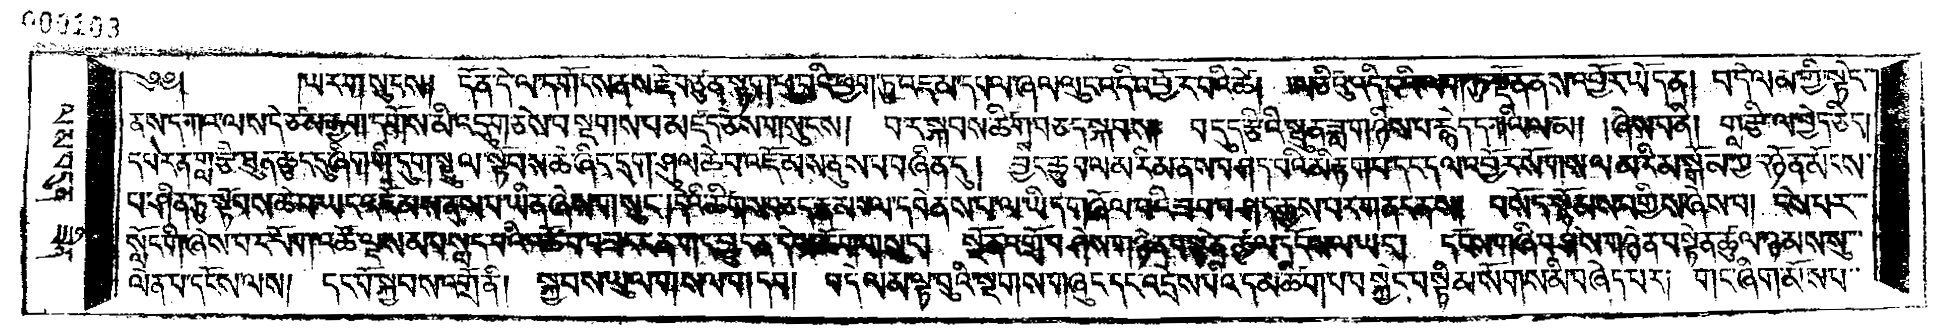༄༅། །ཡར་གསུངས། དོན་དེ་ལ་དགོངས་ནས་རྗེ་བཙུན་སྟག་ཕུ་བའི་ཕྱག་ཏུ་འཇམ་དཔལ་ཞལ་ལུང་འདི་འབྱོར་བའི་ཚེ། ཨ་ཙིའུ་འདི་ངའི་ལག་ཏུ་སྔོན་ནས་འབྱོར་ཡོད་ན། བདེ་ལམ་གྱི་སྟེང་
ནས་དཀའ་ལས་དེ་ཙམ་རྒྱག་དགོས་མི་འདུག་ཅེས་བསྔགས་པ་མཛད་ཅེས་གསུངས། བར་སྐབས་ཚིགས་བཅད་སྐབས། བདུད་རྩིའི་སྤུན་ཟླ་གཉིས་པ་རྙེད་དཀའི་ལམ། །ཞེས་པ་ནི། གླ་རྩི་ལ་བྱེད་ཅིང་།
དཔེར་ན་གླ་རྩི་ཐུན་ཆུང་ངུ་ཞིག་གིས་དུག་སྤྲུལ་སྟོབས་ཆེ་ཞིང་དྲག་ཤུལ་ཆེ་བ་འཇོམས་ནུས་པ་བཞིན་དུ། བྱང་ཆུབ་ལམ་རིམ་ནས་བཤད་པའི་མི་རྟག་པ་དང་དལ་འབྱོར་སོགས་ལམ་རིམ་སྒོམ་ཀྱང་ཉོན་མོངས་
པ་ཤིན་ཏུ་སྟོབས་ཆེ་བ་ཡང་འཇོམས་ནུས་པ་ཡིན་ཞེས་གསུང་། དེའི་ཚིགས་བཅད་རྣམས་ལ་དབེན་ས་པ་ལ་ཡིད་གཞོལ་པའི་ཟབ་བཤད་རྒྱས་པར་གནང་ནས། བསོད་སྙོམས་བགྱིས་ཞེས་པ། ངེས་པར་
སློང་གི་ཞེས་པར་ལོག་འཚོ་ལྔས་མ་བསླད་པའི་འཚོ་བ་བཟང་ངན་གང་བྱུང་ན་དེས་ཆོག་གསུང་། སྔོན་འགྲོ་བཤེས་གཉེན་བསྟེན་ཚུལ་དངོས་ལ་ཡང་། དངོས་གཞི་བཤེས་གཉེན་བསྟེན་ཚུལ་ཉམས་སུ་
ལེན་པ་དངོས་ལས། དང་པོ་སྐྱབས་འགྲོ་ནི། སྐྱབས་ཡུལ་གསལ་གདབ། བདེ་ལམ་ལྟ་བུའི་སྔགས་གཞུང་དང་འདྲེས་པའི་དམ་ཚིག་པ་བསྐྱེད་བསྟིམ་སོགས་མི་བཞེད་པར། གང་ཞིག་མོས་པ་